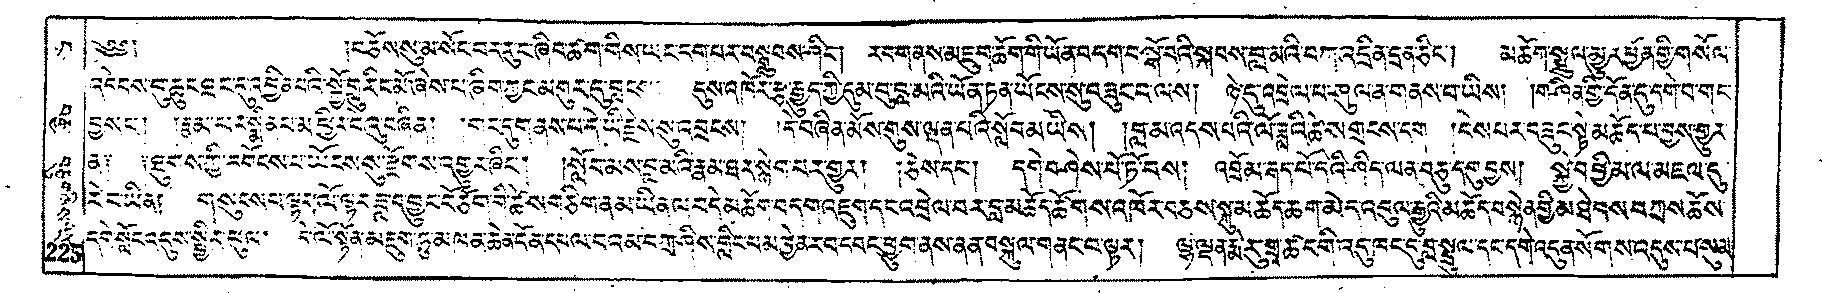༄༅། །བཅོས་སུ་མ་སོང་བར་རུང་ཞིབ་ཚག་གིས་ཡང་དག་པར་བསྒྲུབས་ཤིང་། རབ་གནས་མཇུག་ཆོག་གི་ཡོན་བདག་བསྒོ་བའི་སྐབས་བླ་མའི་བཀའ་དྲིན་དྲན་ཅིང་། མཆོག་སྤྲུལ་མྱུར་བྱོན་གྱི་གསོལ་
འདེབས་བུ་ཆུང་ཐང་དུ་འཕྱིན་པའི་སྐྱོ་གླུ་རིང་མོ་ཞེས་པ་ཞིག་ཀྱང་མགུར་དུ་བླངས། དུས་འཁོར་རྩ་རྒྱུད་ཀྱི་དུམ་བུ་བླ་མའི་ཡོན་ཏན་ཡོངས་སུ་བཟུང་བ་ལས། ཉེ་དུ་འབྲེལ་པ་ཤུལ་ན་གནས་པ་ཡིས། །གཤིན་གྱི་དོན་དུ་དགེ་བ་གང་
བྱས་པ། །རྣམ་པར་སྨིན་པ་མ་ཕྱིར་བེའུ་བཞིན། །གང་དུ་གནས་པ་དེ་ཡི་རྗེས་སུ་འབྲངས། །དེ་བཞིན་མོས་གུས་ལྡན་པའི་སློབ་མ་ཡིས། །བླ་མ་འདས་པའི་ལོ་ཟླའི་ཚེས་གྲངས་དག །ངེས་པར་བཟུང་སྟེ་མཆོད་པ་བྱས་གྱུར་
ན༑ ༑ཐུགས་ཀྱི་དགོངས་པ་ཡོངས་སུ་རྫོགས་འགྱུར་ཞིང་། །སློབ་མས་བླ་མའི་རྣམ་ཐར་སྙེག་པར་གྱུར། །ཅེས་དང་། དགེ་བཤེས་པོ་ཏོ་བས། འབྲོམ་རྒད་པོ་དེའི་ཤིད་ལན་བཅུ་དགུ་བྱས། སྐྱེ་བ་ཕྱི་མ་ལ་མཇལ་དུ་
རེ་བ་ཡིན། གསུངས་པ་ལྟར་ལོ་ལྟར་ཟླ་བ་བྱུང་ངོ་ཅོག་གི་ཚེས་གཅིག་ནམ་ཡིན་ལ་བདེ་མཆོག་བདག་འཇུག་དང་འབྲེལ་བར་བླ་མཆོད་ཚོགས་འཁོར་བཅས་སྐུ་མཆོད་ཆག་མེད་འབུལ་རྒྱུའི་མཆོད་བསྙེན་གྱི་མ་ཐེབས་བཀྲས་ཆོས་
དགེ་སློང་འདུས་སྤྱིར་ཕུལ། དེ་ལོ་སྟོན་མཇུག་ཏུ་མཁན་ཆེན་དོན་དཔལ་བའམ་བཀྲ་ཤིས་གླིང་པ་མཁྱེན་རབ་དབང་ཕྱུག་ནས་ནན་བསྐུལ་གནང་བ་ལྟར། ལྷ་ལྡན་རྨེ་རུ་གྲྭ་ཚང་གི་འདུ་ཁང་དུ་བླ་སྤྲུལ་དང་དགེ་འདུན་སོགས་འདུས་པ་སུམ་